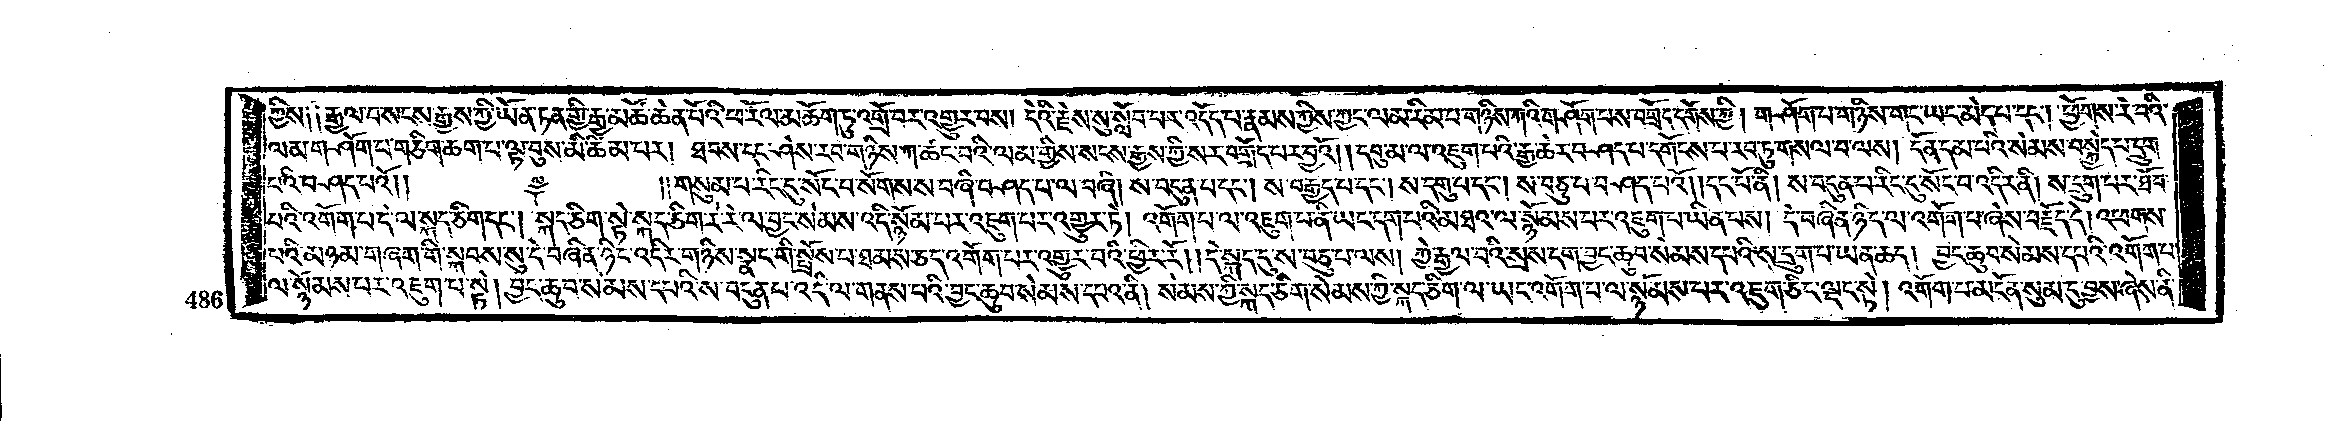ཀྱིས། །རྒྱལ་བ་སངས་རྒྱས་ཀྱི་ཡོན་ཏན་གྱི་རྒྱ་མཚོ་ཆེན་པོའི་ཕ་རོལ་མཆོག་ཏུ་འགྲོ་བར་འགྱུར་བས། དེའི་རྗེས་སུ་སློབ་པར་འདོད་པ་རྣམས་ཀྱིས་ཀྱང་ལམ་རིམ་པ་གཉིས་ཀའི་གཤོག་པས་བགྲོད་དགོས་ཀྱི། གཤོག་པ་གཉིས་གང་ཡང་མེད་པ་དང་། ཕྱོགས་རེ་བའི་
ལམ་གཤོག་པ་གཅིག་ཆག་པ་ལྟ་བུས་མི་ཚིམ་པར། ཐབས་དང་ཤེས་རབ་གཉིས་ཀ་ཚང་བའི་ལམ་གྱིས་སངས་རྒྱས་ཀྱི་སར་བགྲོད་པར་བྱའོ། །དབུ་མ་ལ་འཇུག་པའི་རྒྱ་ཆེར་བཤད་པ་དགོངས་པ་རབ་ཏུ་གསལ་བ་ལས། དོན་དམ་པའི་སེམས་བསྐྱེད་པ་དྲུག་
པའི་བཤད་པའོ།། ༈ །།གསུམ་པ་རིང་དུ་སོང་བ་སོགས་ས་བཞི་བཤད་པ་ལ་བཞི། ས་བདུན་པ་དང་། ས་བརྒྱད་པ་དང་། ས་དགུ་པ་དང་། ས་བཅུ་པ་བཤད་པའོ། །དང་པོ་ནི། ས་བདུན་པ་རིང་དུ་སོང་བ་འདིར་ནི། ས་དྲུག་པར་ཐོབ་
པའི་འགོག་པ་དེ་ལ་སྐད་ཅིག་དང་། སྐད་ཅིག་སྟེ་སྐད་ཅིག་རེ་རེ་ལ་བྱང་སེམས་འདི་སྙོམ་པར་འཇུག་པར་འགྱུར་ཏེ། འགོག་པ་ལ་འཇུག་པ་ནི་ཡང་དག་པའི་མཐའ་ལ་སྙོམས་པར་འཇུག་པ་ཡིན་པས། དེ་བཞིན་ཉིད་ལ་འགོག་པ་ཞེས་བརྗོད་དེ། འཕགས་
པའི་མཉམ་གཞག་གི་སྐབས་སུ་དེ་བཞིན་ཉིད་འདིར་གཉིས་སྣང་གི་སྤྲོས་པ་ཐམས་ཅད་འགོག་པར་འགྱུར་བའི་ཕྱིར་རོ། །དེ་སྐད་དུ་ས་བཅུ་པ་ལས། ཀྱེ་རྒྱལ་བའི་སྲས་དག་བྱང་ཆུབ་སེམས་དཔའི་ས་དྲུག་པ་ཡན་ཆད། བྱང་ཆུབ་སེམས་དཔའི་འགོག་པ་
ལ་སྙོམས་པར་འཇུག་པ་སྟེ། བྱང་ཆུབ་སེམས་དཔའི་ས་བདུན་པ་འདི་ལ་གནས་པའི་བྱང་ཆུབ་སེམས་དཔའ་ནི། སེམས་ཀྱི་སྐད་ཅིག་སེམས་ཀྱི་སྐད་ཅིག་ལ་ཡང་འགོག་པ་ལ་སྙོམས་པར་འཇུག་ཅིང་ལྡང་སྟེ། འགོག་པ་མངོན་སུམ་དུ་བྱས་ཞེས་ནི་